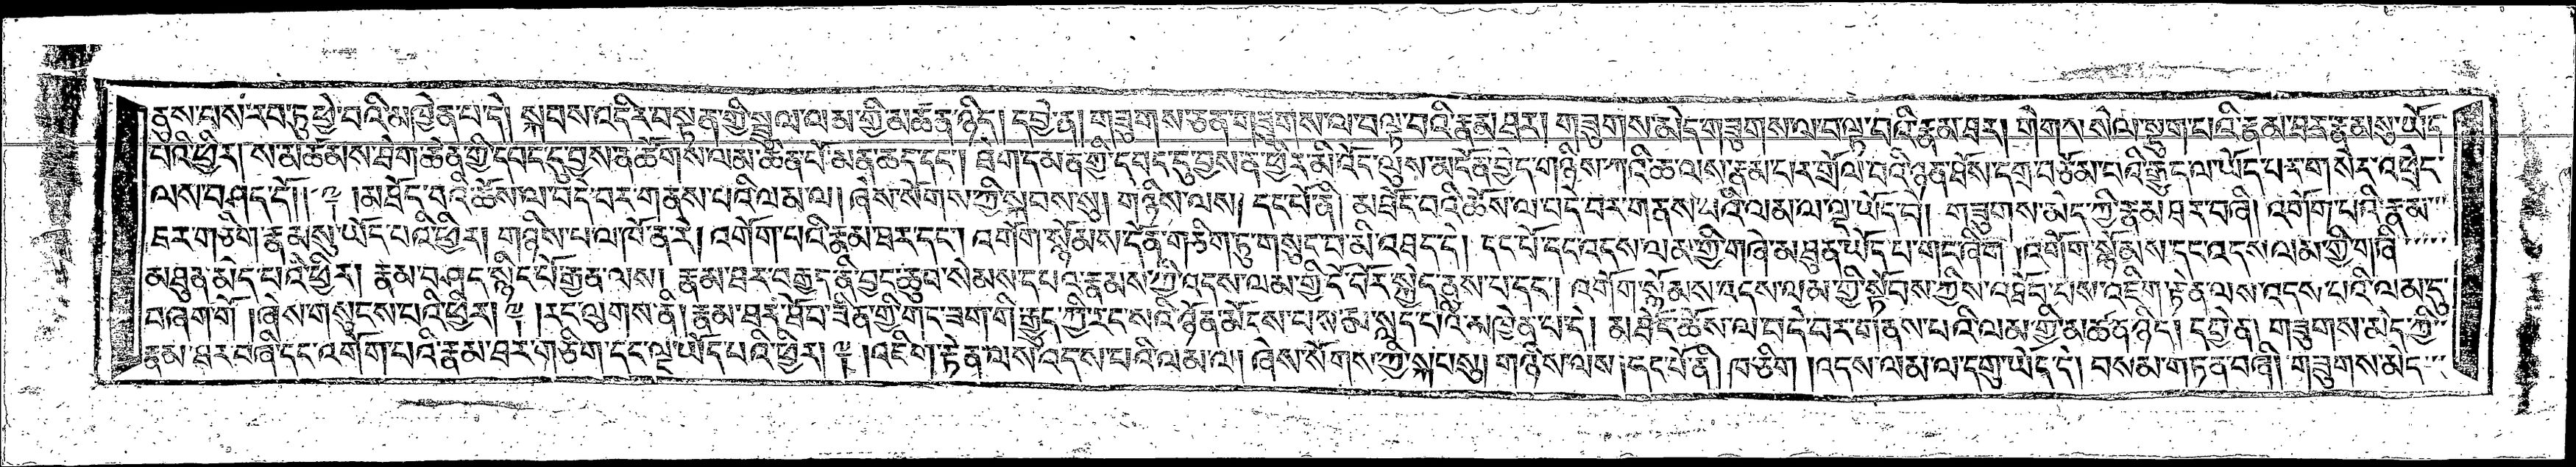ནུས་པས་རབ་ཏུ་ཕྱེ་བའི་མཁྱེན་པ་དེ། སྐབས་འདིར་བསྟན་གྱི་སྤྲུལ་ལམ་གྱི་མཚན་ཉིད། དབྱེ་ན། གཟུགས་ཅན་གཟུགས་ལ་ལྟ་བའི་རྣམ་ཐར། གཟུགས་མེད་གཟུགས་ལ་ལྟ་བའི་རྣམ་ཐར། གེགས་སེལ་སྡུག་པའི་རྣམ་ཐར་རྣམས་སུ་ཡོད་
པའི་ཕྱིར། ས་མཚམས་ཐེག་ཆེན་གྱི་དབང་དུ་བྱས་ན་ཚོགས་ལམ་ཆེན་པོ་མན་ཆད་དང་། ཐེག་དམན་གྱི་དབང་དུ་བྱས་ན་ཕྱིར་མི་འོང་ལུས་མངོན་བྱེད་གཉིས་ཀའི་ཆ་ལས་རྣམ་པར་གྲོལ་བའི་ཉན་ཐོས་དགྲ་བཅོམ་པའི་རྒྱུད་ལ་ཡོད་པར་གསེར་འཕྲེང་
ལས་བཤད་དོ།། ༈ །མཐོང་བའི་ཆོས་ལ་བདེ་བར་གནས་པའི་ལམ་ལ། ཞེས་སོགས་ཀྱི་སྐབས་སུ། གཉིས་ལས། དང་པོ་ནི། མཐོང་བའི་ཆོས་ལ་བདེ་བར་གནས་པའི་ལམ་ལ་ལྔ་ཡོད་དེ། གཟུགས་མེད་ཀྱི་རྣམ་ཐར་བཞི། འགོག་པའི་རྣམ་
ཐར་གཅིག་རྣམས་སུ་ཡོད་པའི་ཕྱིར། གཉིས་པ་ལ་ཁོ་ན་རེ། འགོག་པའི་རྣམ་ཐར་དང་། འགོག་སྙོམས་དོན་གཅིག་ཏུ་གསུང་བ་མི་འཐད་དེ། དང་པོ་དང་འདས་ལམ་གྱི་གཞི་མཐུན་ཡོད་པ་གང་ཞིག །འགོག་སྙོམས་དང་འདས་ལམ་གྱི་གཞི་
མཐུན་མེད་པའི་ཕྱིར། རྣམ་བཤད་སྙིང་པོ་རྒྱན་ལས། རྣམ་ཐར་བརྒྱད་ནི་བྱང་ཆུབ་སེམས་དཔའ་རྣམས་ཀྱི་འདས་ལམ་གྱི་ངོ་བོར་སྐྱེད་ནུས་པ་དང་། འགོག་སྙོམས་འདས་ལམ་གྱི་སྟོབས་ཀྱིས་འཐོབ་པས་འཇིག་རྟེན་ལས་འདས་པའི་ལམ་དུ་
བཞག་གོ །ཞེས་གསུངས་པའི་ཕྱིར། ༈ །རང་ལུགས་ནི། རྣམ་ཐར་ཐོབ་ཟིན་གྱི་གང་ཟག་གི་རྒྱུད་ཀྱི་རང་སའི་ཉོན་མོངས་པས་མ་སླད་པའི་མཁྱེན་པ་དེ། མཐོང་ཆོས་ལ་བདེ་བར་གནས་པའི་ལམ་གྱི་མཚན་ཉིད། དབྱེ་ན། གཟུགས་མེད་ཀྱི་
རྣམ་ཐར་བཞི་དང་འགོག་པའི་རྣམ་ཐར་གཅིག་དང་ལྔ་ཡོད་པའི་ཕྱིར། ༈ །འཇིག་རྟེན་ལས་འདས་པའི་ལམ་ལ། ཞེས་སོགས་ཀྱི་སྐབས་སུ། གཉིས་ལས། དང་པོ་ནི། ཁ་ཅིག །འདས་ལམ་ལ་དགུ་ཡོད་དེ། བསམ་གཏན་བཞི། གཟུགས་མེད་